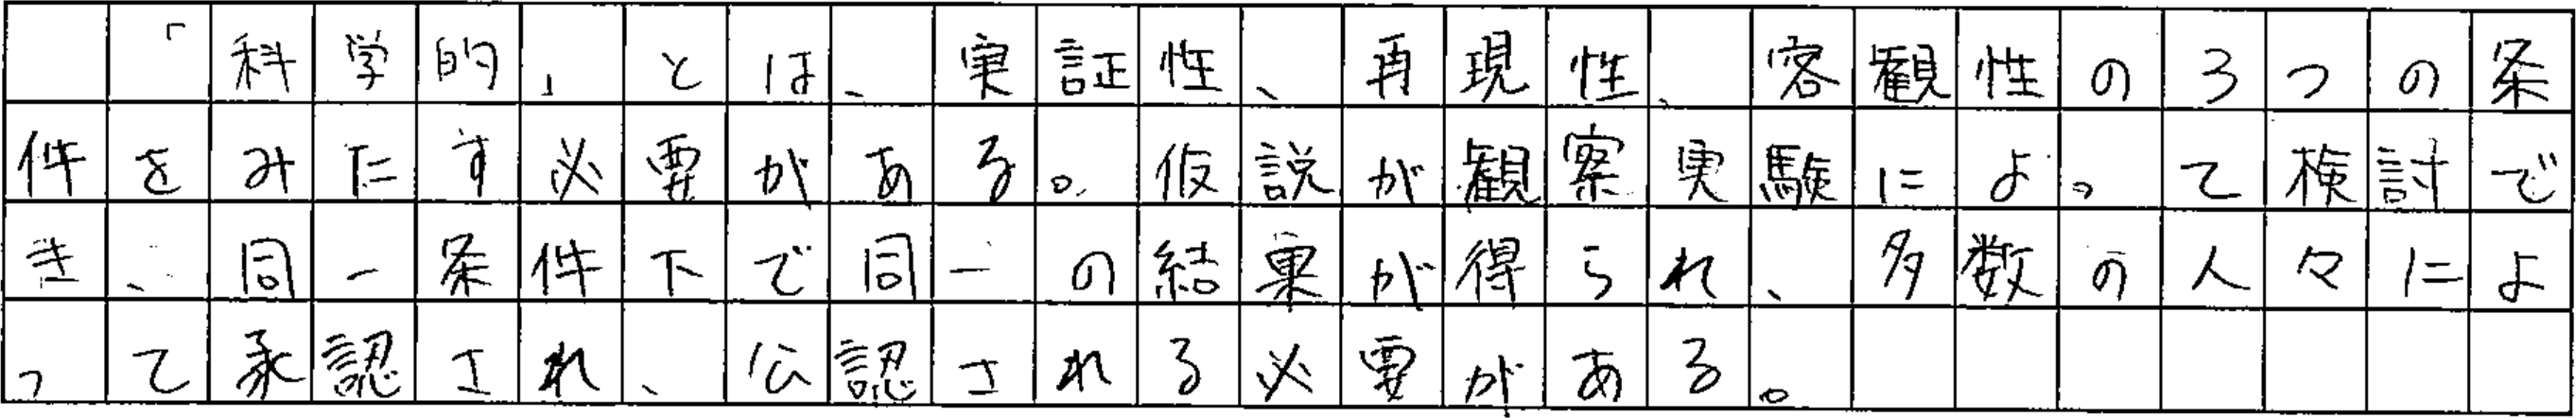　「科学的」とは、実証性、再現性、客観性の３つの条件をみたす必要がある。仮説が観察実験によって検討でき、同一条件下で同一の結果が得られ、多数の人々によって承認され、公認される必要がある。
